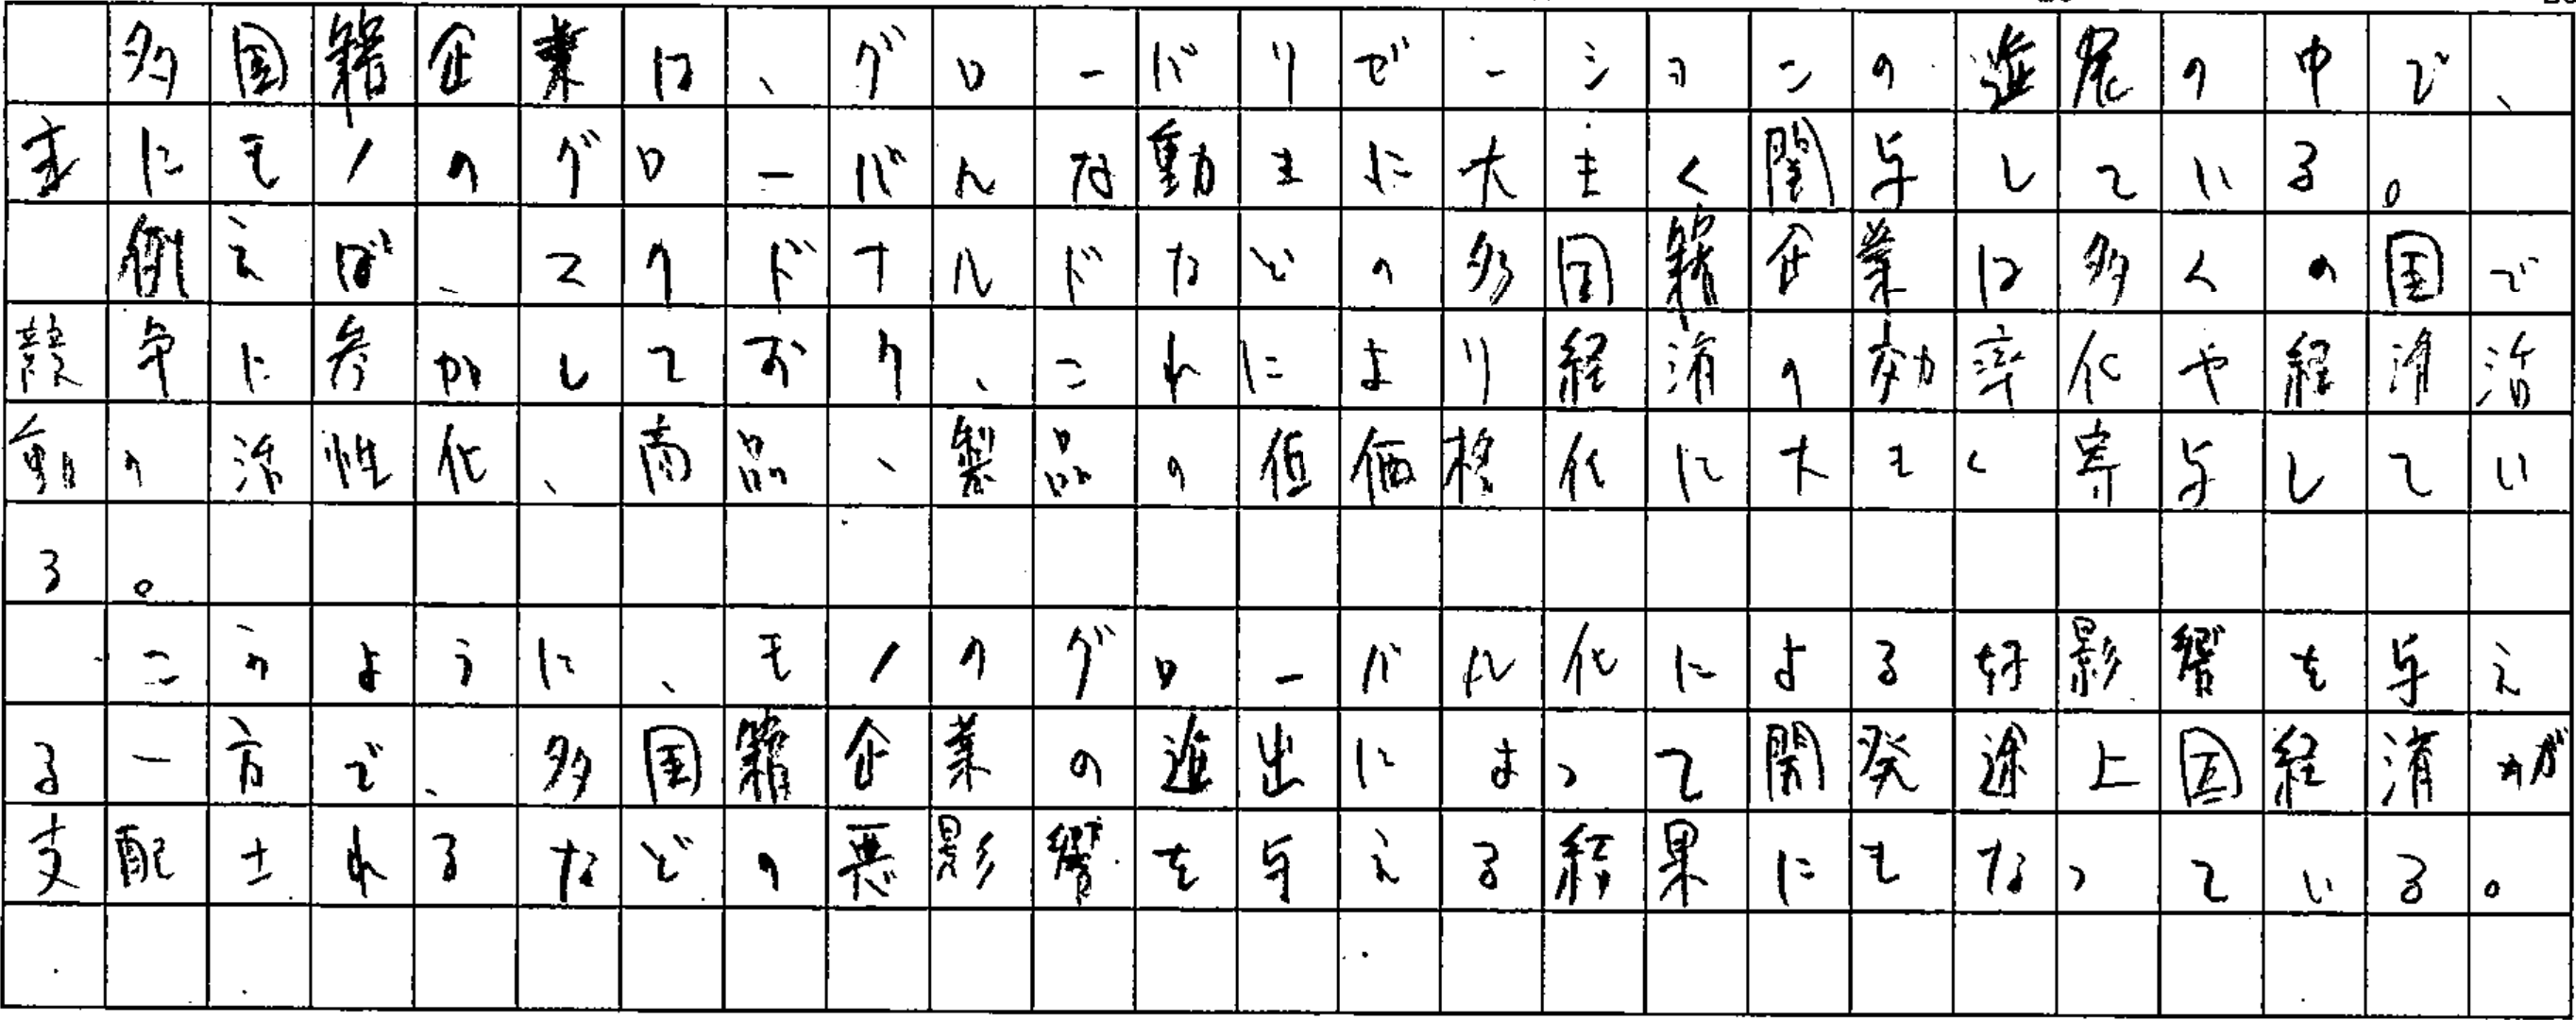　多国籍企業は、グローバリゼーションの進展の中で、主にモノのグローバルな動きに大きく関与している。
　例えば、マクドナルドなどの多国籍企業は多くの国で競争に参加しており、これにより経済の効率化や経済活動の活性化、商品・製品の低価格化に大きく寄与している。
　このように、モノのグローバル化による好影響を与える一方で、多国籍企業の進出によって開発途上国経済が支配されるなどの悪影響を与える結果にもなっている。
